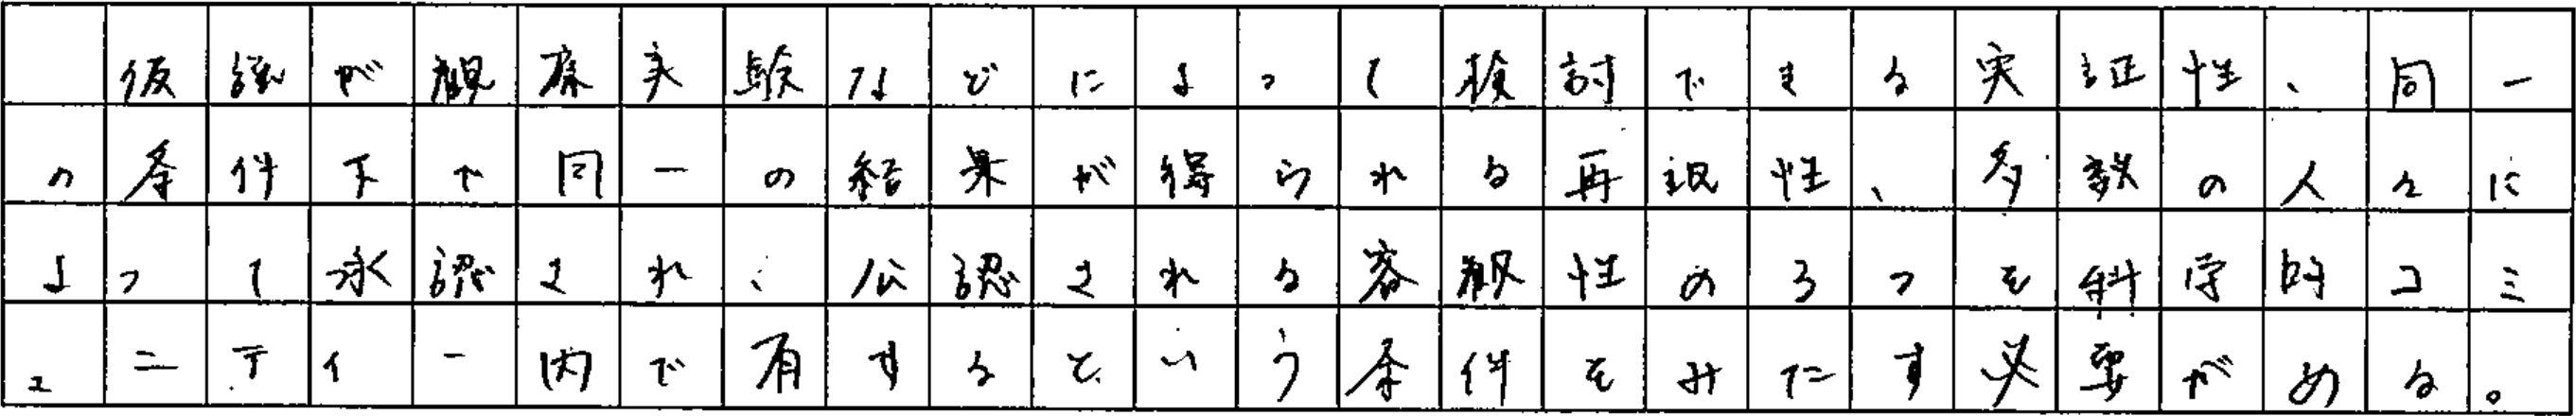　仮説が観察実験などによって検討できる実証性、同一の条件下で同一の結果が得られる再現性、多数の人々によって承認され、公認される客観性の３つを科学的コミュニティー内で有するという条件をみたす必要がある。
